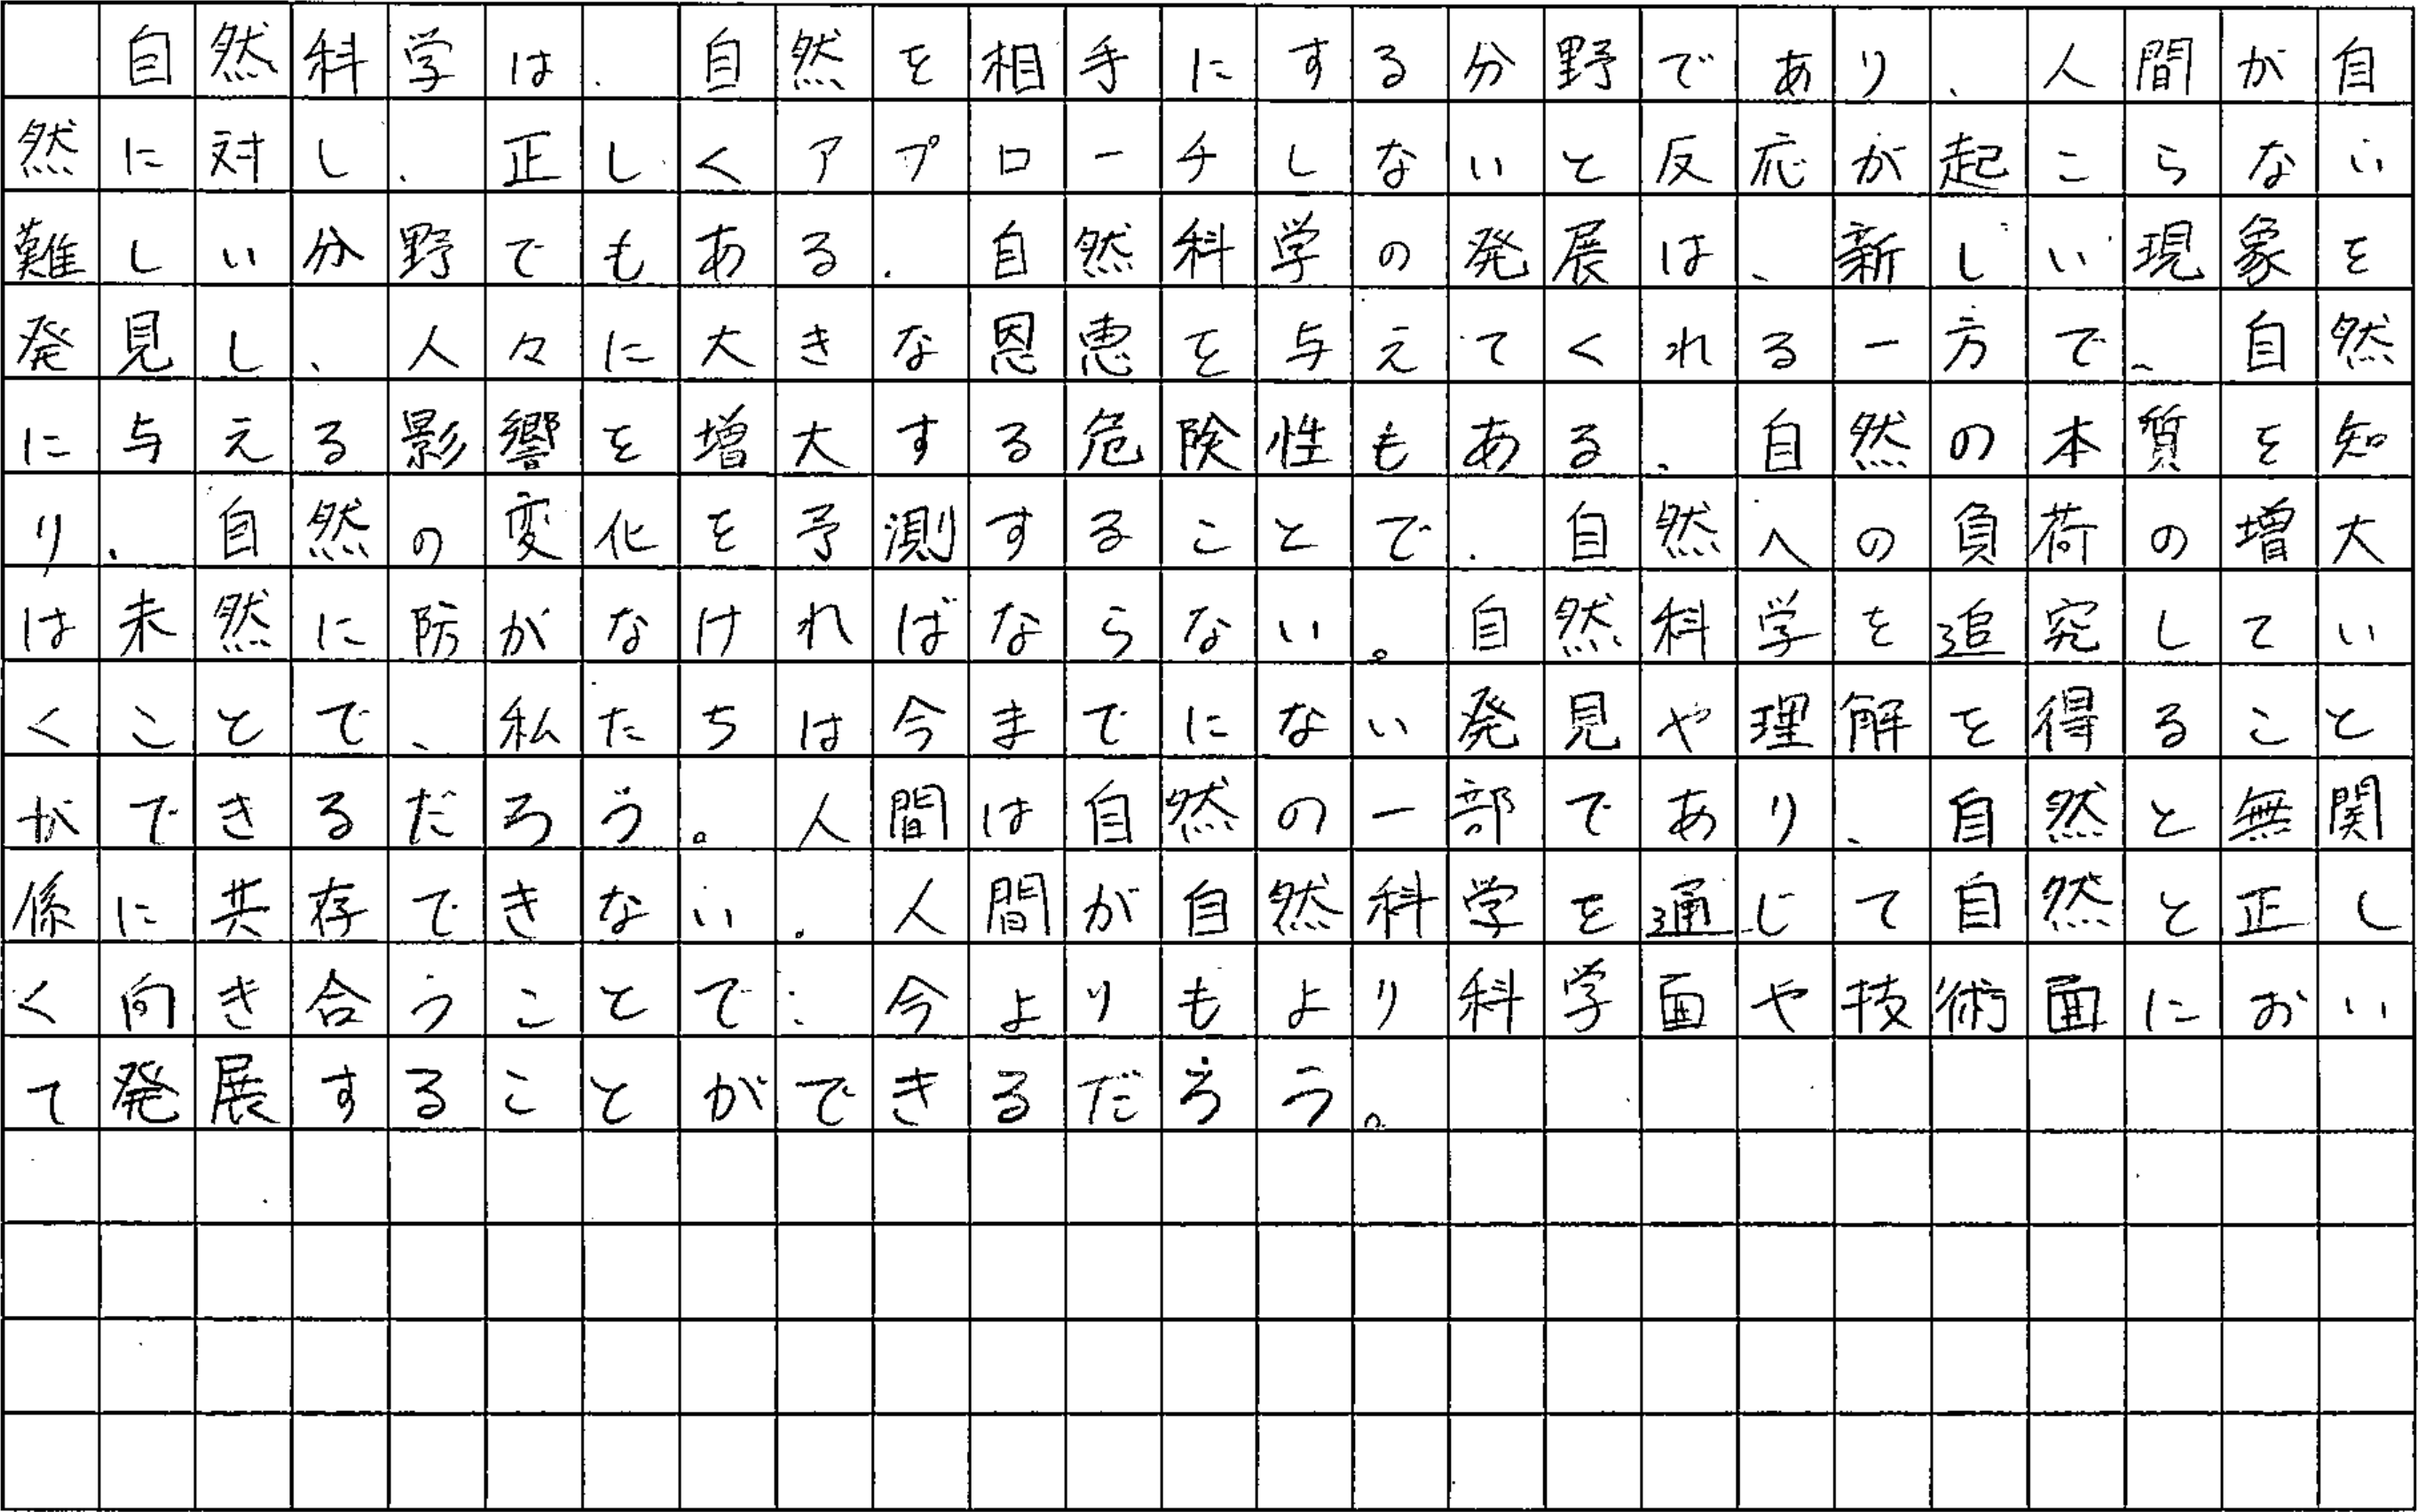　自然科学は、自然を相手にする分野であり、人間が自然に対し、正しくアプローチしないと反応が起こらない難しい分野でもある。自然科学の発展は、新しい現象を発見し、人々に大きな恩恵を与えてくれる一方で、自然に与える影響を増大する危険性もある。自然の本質を知り、自然の変化を予測することで、自然への負荷の増大は未然に防がなければならない。自然科学を追究していくことで、私たちは今までにない発見や理解を得ることができるだろう。人間は自然の一部であり、自然と無関係に共存できない。人間が自然科学を通じて自然と正しく向き合うことで、今よりもより科学面や技術面において発展することができるだろう。
